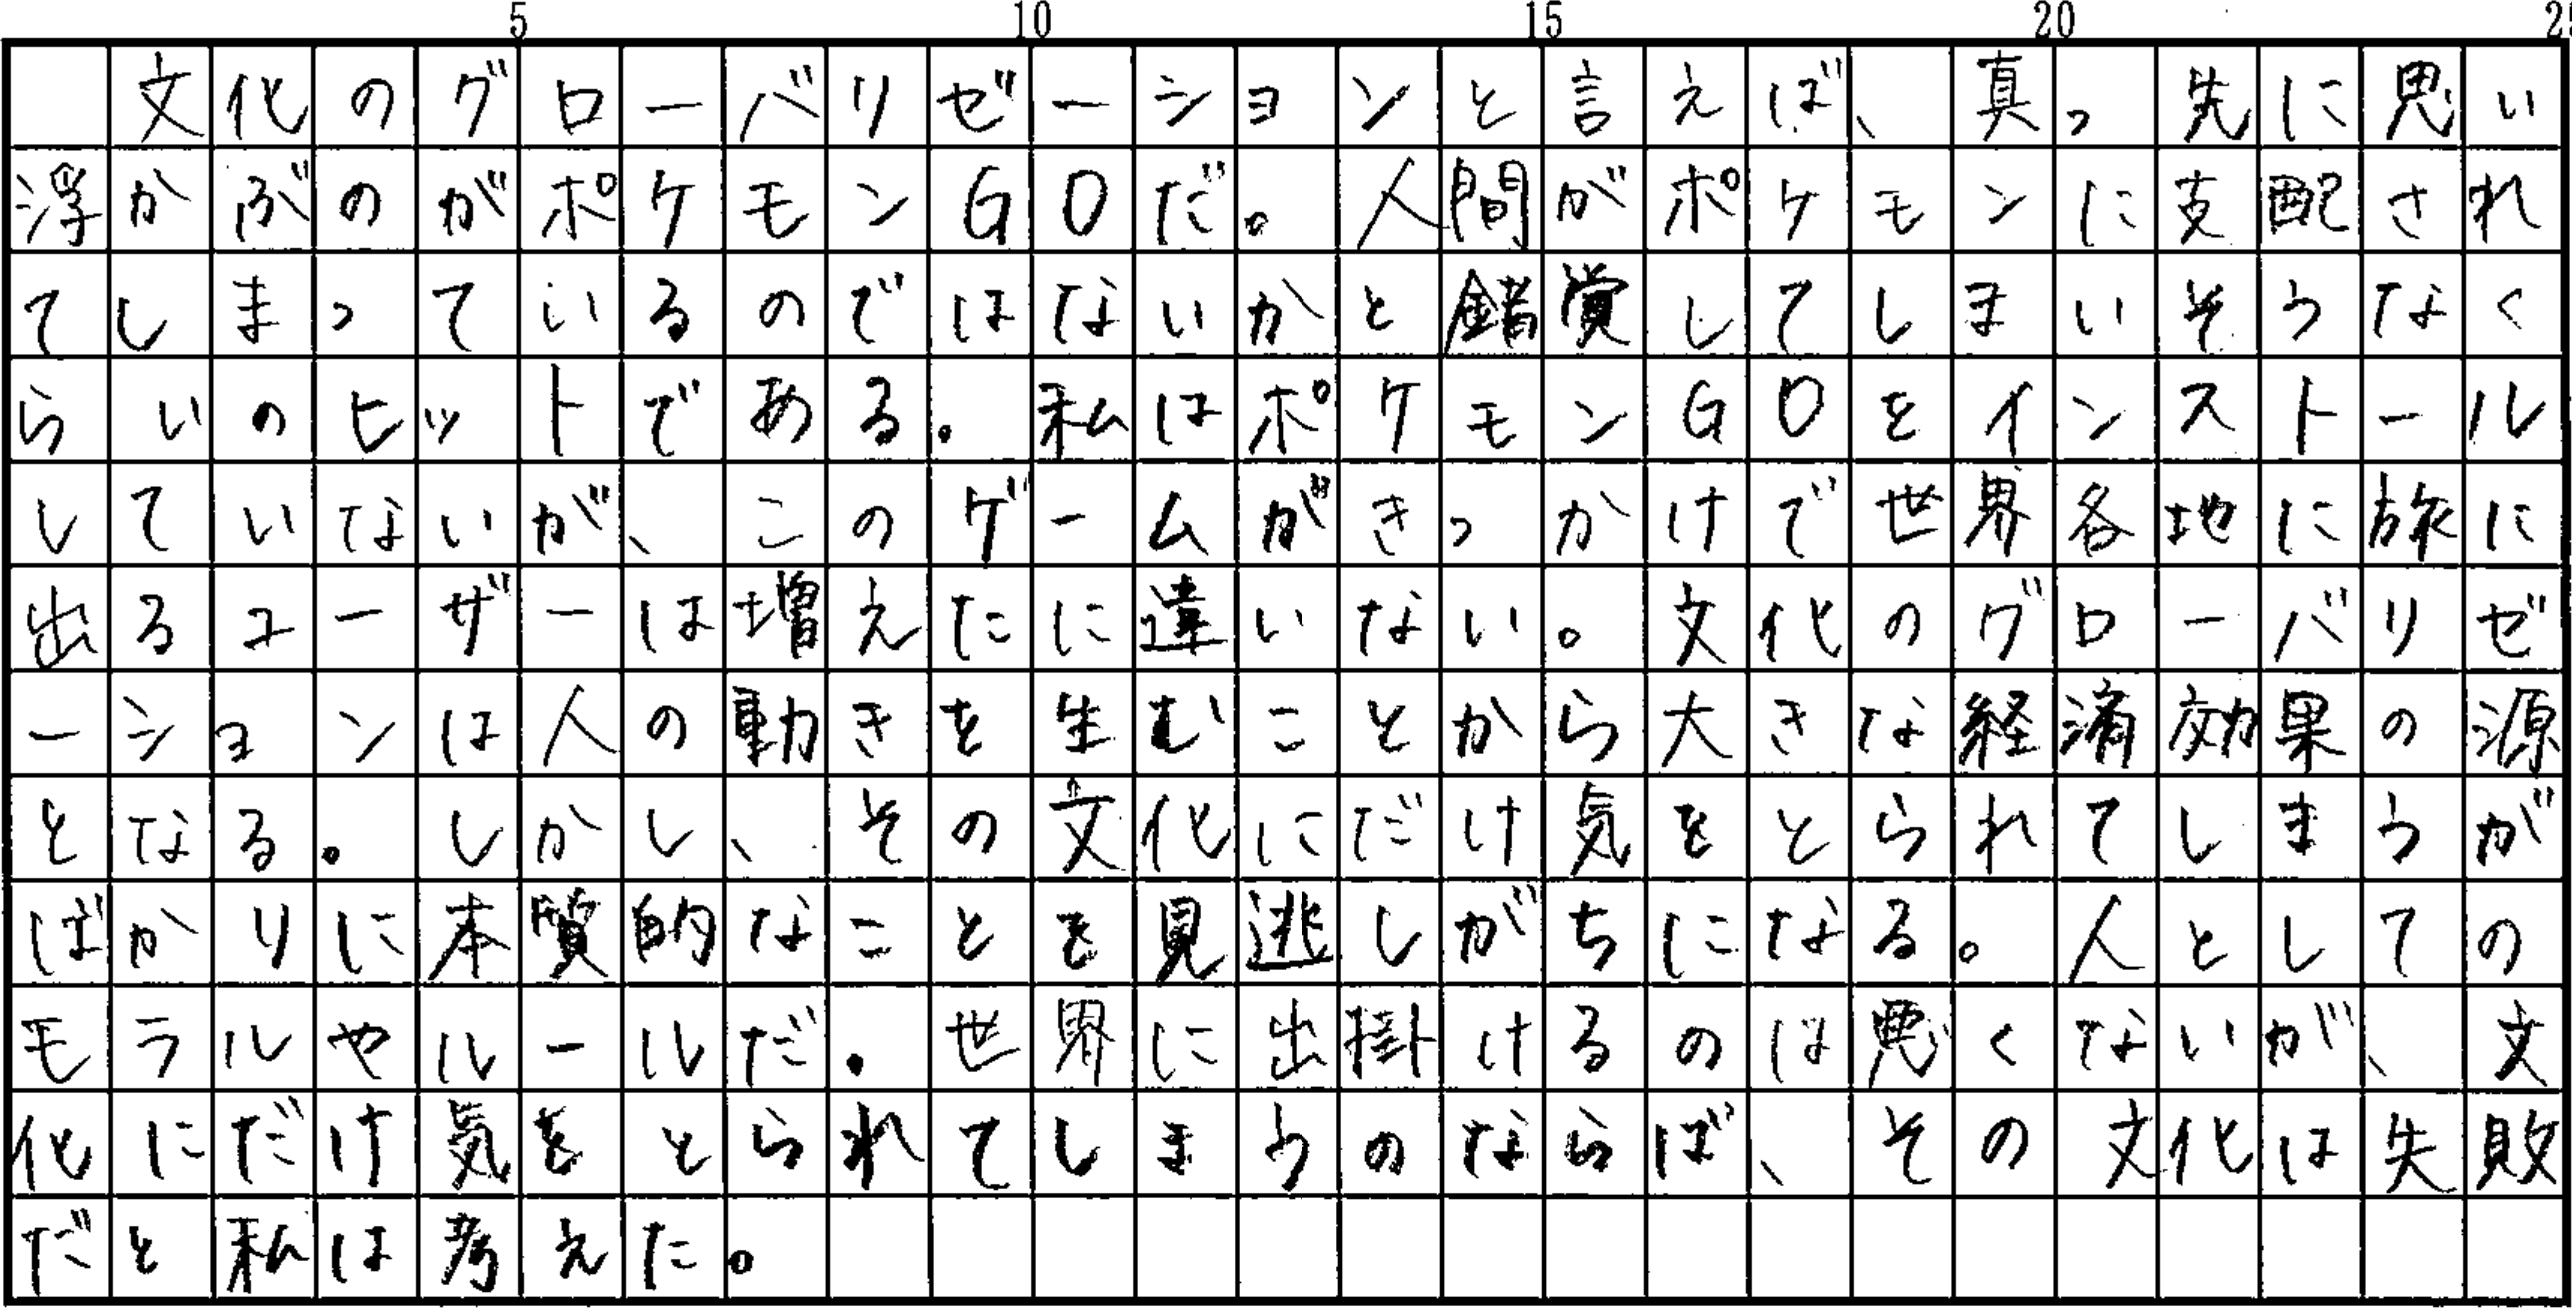　文化のグローバリゼーションと言えば、真っ先に思い浮かぶのがポケモンＧＯだ。人間がポケモンに支配されてしまっているのではないかと錯覚してしまいそうなくらいのヒットである。私はポケモンＧＯをインストールしていないが、このゲームがきっかけで世界各地に旅に出るユーザーは増えたに違いない。文化のグローバリゼーションは人の動きを生むことから大きな経済効果の源となる。しかし、その文化にだけ気をとられてしまうがばかりに本質的なことを見逃しがちになる。人としてのモラルやルールだ。世界に出掛けるのは悪くないが、文化にだけ気をとられてしまうのならば、その文化は失敗だと私は考えた。
